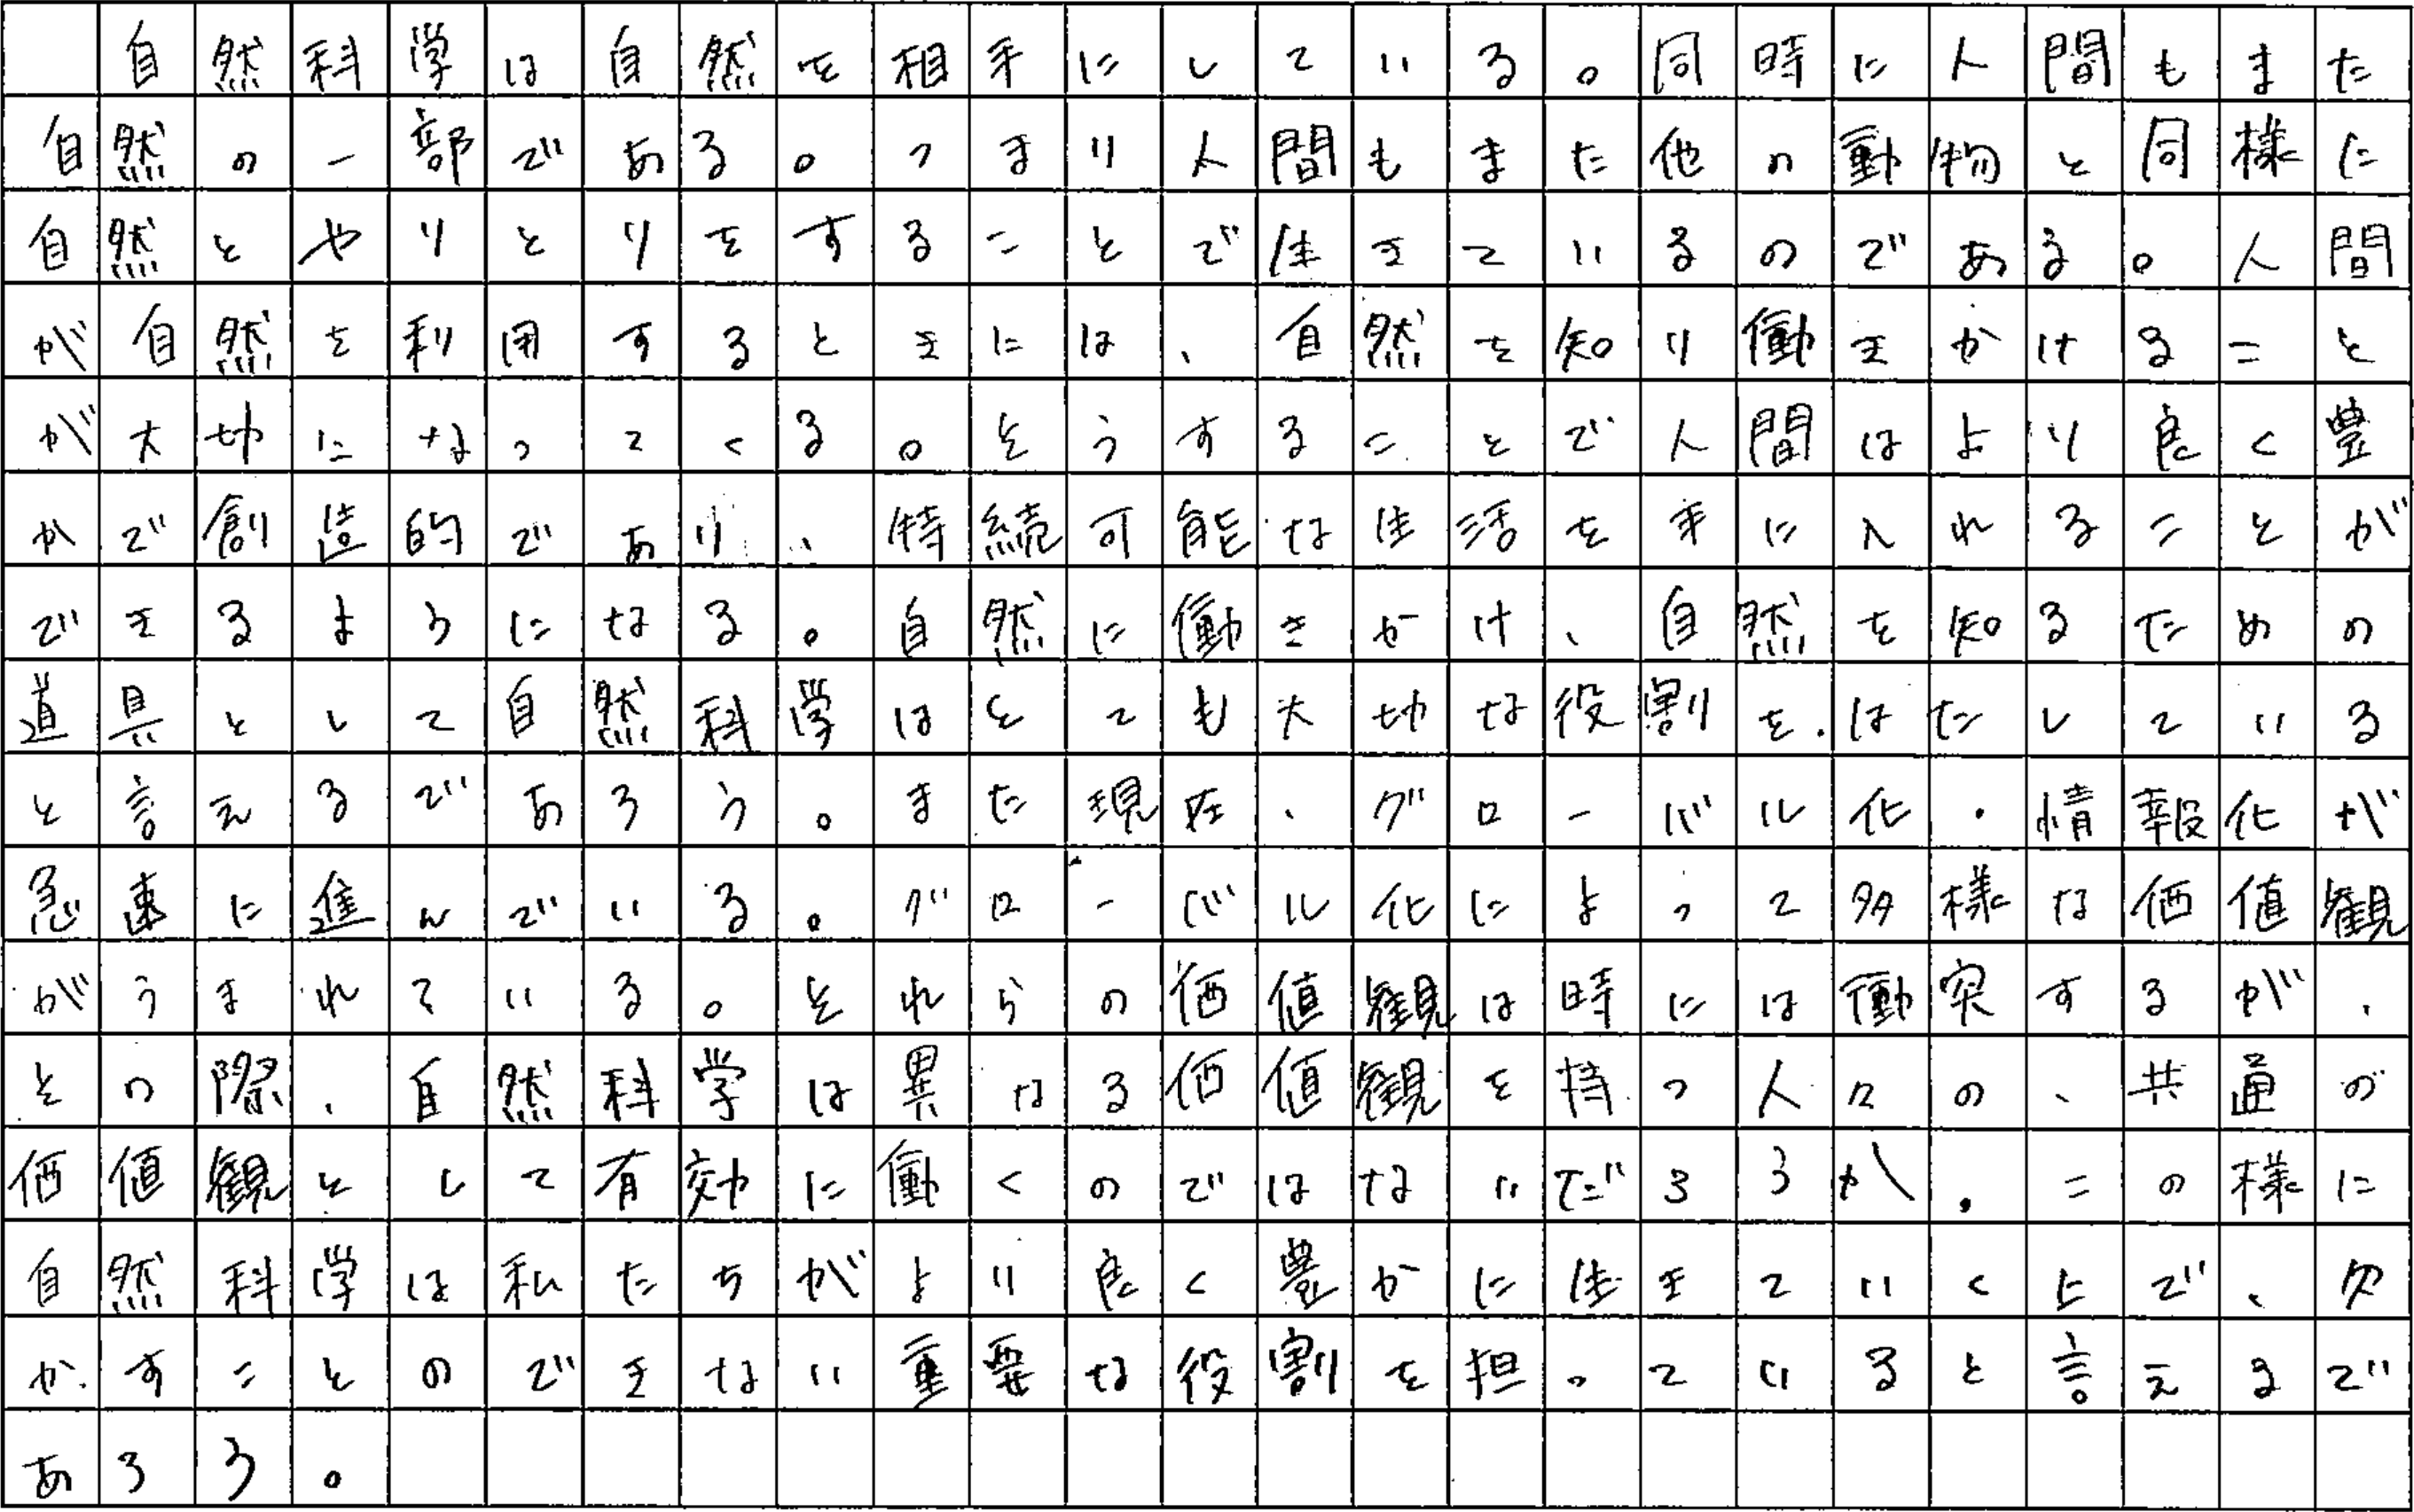　自然科学は自然を相手にしている。同時に人間もまた自然の一部である。つまり人間もまた他の動物と同様に自然とやり取りをすることで生きているのである。人間が自然を利用するときには、自然を知り働きかけることが大▁になってくる。そうすることで人間はより良く豊かで創造的であり、特続可能な生活を手に入れることができるようになる。自然に働きかけ、自然を知るための道具として自然科学はとても大▁な役割をはたしていると言えるであろう。また現在、グローバル化・情報化が急速に進んでいる。グローバル化によって多様な価値観がうまれている。それらの価値観は時には▁突するが、その際、自然科学は異なる価値観を持つ人々の、共通の価値観として有効に働くのではないだろうか。この様に自然科学は私たちがより良く豊かに生きていく上で、欠かすことのできない重要な役割を担っていると言えるであろう。
